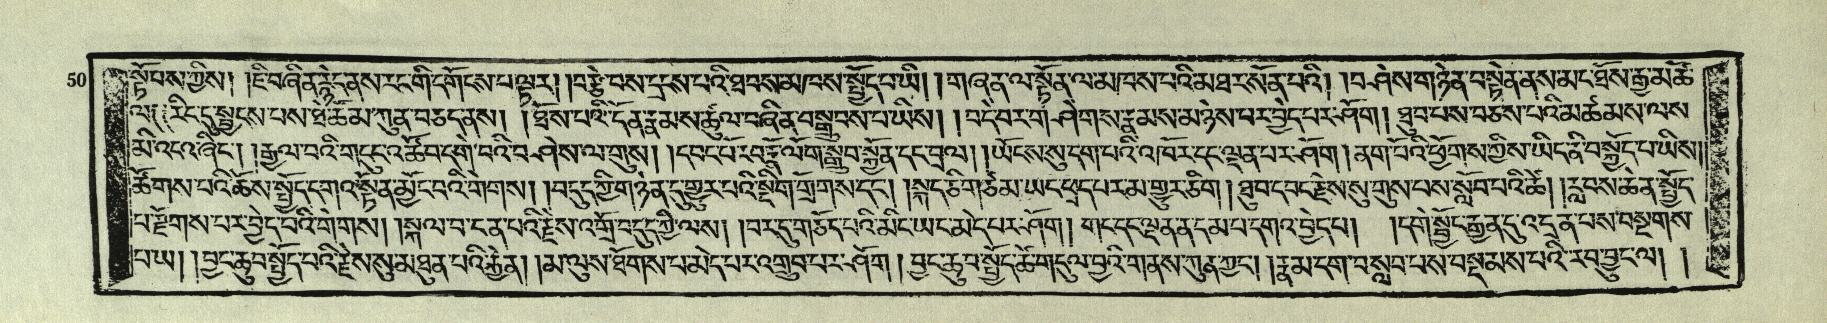སྟོབས་ཀྱིས། །ཇི་བཞིན་རྙེད་ནས་རང་གི་དགོངས་པ་ལྟར། །བརྩེ་བས་དྲངས་པའི་ཐབས་མཁས་སྤྱོད་པ་ཡི། །གཞན་ལ་སྟོན་ལ་མཁས་པའི་མཐར་སོན་པའི། །བཤེས་གཉེན་བསྟེན་ནས་མང་ཐོས་རྒྱ་མཚོ་
ལ༑ ༑རིང་དུ་སྦྱངས་པས་ཐེ་ཚོམ་ཀུན་བཅད་ནས། །ཐོས་པའི་དོན་རྣམས་ཚུལ་བཞིན་བསྒྲུབས་པ་ཡིས། །བདེ་བར་གཤེགས་རྣམས་མཉེས་པར་བྱེད་པར་ཤོག ། ཐུབ་པས་བཅས་པའི་མཚམས་ལས་
མི་འྔའ་ཞིང་། །རྒྱལ་བའི་གདུང་འཚོབ་དགེ་བའི་བཤེས་ལ་གུས། །དབང་པོ་རབ་རྣོ་ལོག་སྒྲུབ་སྐྱོན་དང་བྲལ། །ཡོངས་སུ་དག་པའི་འཁོར་དང་ལྡན་པར་ཤོག །ནག་པོའི་ཕྱོགས་ཀྱིས་ཡིད་ནི་བསྐྱོད་པ་ཡིས།།
ཚོགས་པའི་ཆོས་སྤྱོད་དགའ་སྟོན་མྱོང་བའི་གེགས། །བདུད་ཀྱི་གཉེན་དུ་གྱུར་པའི་སྡིག་གྲོགས་དང་། །སྐད་ཅིག་ཙམ་ཡང་ཕྲད་པར་མ་གྱུར་ཅིག །ཐུབ་དབང་རྗེས་སུ་གུས་པས་སློབ་པའི་ཚེ། །རླབས་ཆེན་སྤྱོད་
པ་རྫོགས་པར་བྱེད་པའི་གེགས། །སྐལ་བ་ངན་པའི་རྗེས་འགྲོ་བདུད་ཀྱི་ལས། །བར་དུ་གཅོད་པའི་མིང་ཡང་མེད་པར་ཤོག །གང་དང་ལྡན་ན་དམ་པ་དགའ་བྱེད་པ། །དགེ་སྦྱོང་རྒྱན་དུ་འདྲན་པས་བསྔགས་
པ་ཡ། །བྱང་ཆུབ་སྤྱོད་པའི་རྗེས་སུ་མཐུན་པའི་རྐྱེན། །མ་ལུས་ཐོགས་པ་མེད་པར་འགྲུབ་པར་ཤོག །བྱང་ཆུབ་སྤྱོད་ཚེ་གདུལ་བྱའི་གནས་ཀུན་ཀྱང་། །རྣམ་དག་བསླབ་པས་བསྡམས་པའི་རབ་བྱུང་ལ། །